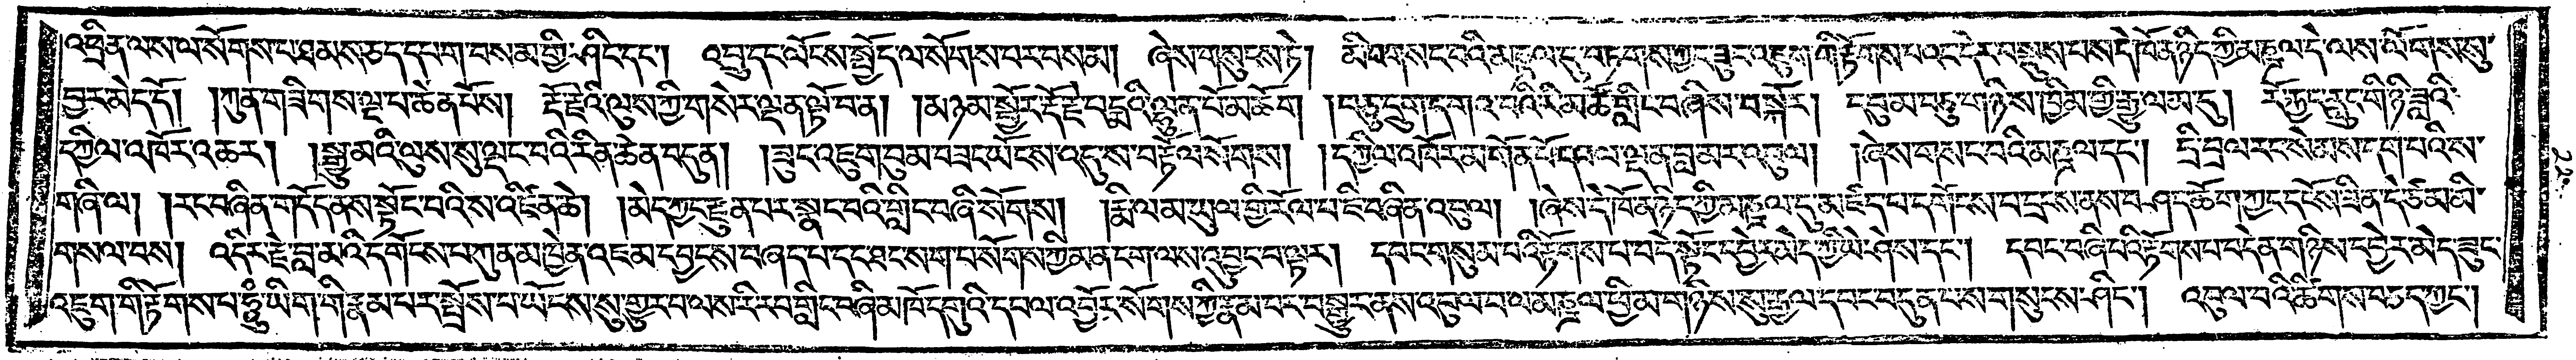འཕྲིན་ལས་ལ་སོགས་པ་ཐམས་ཅད་དཔག་བསམ་གྱི་ཤིང་དང་། འབྲུ་དང་ལོངས་སྤྱོད་ལ་སོགས་པར་བསམ། ཞེས་གསུངས་ཏེ། མིང་གསང་བའི་མཎྜལ་དུ་བཏགས་ཀྱང་ཟུང་འཇུག་གི་རྟོགས་པའང་དེར་བསྡུས་པས་དེ་ཁོ་ན་ཉིད་ཀྱི་མཎྜལ་དེ་ལས་ལོགས་སུ་
བྱར་མེད་དོ། །ཀུན་གཟིགས་ལྔ་པ་ཆེན་པོས། རྡོ་རྗེའི་ལུས་ཀྱི་གསེར་ལྡན་ལྟོ་བ་ན། །མཉམ་སྦྱོར་རྡོ་རྗེ་པདམའི་ལྷུན་པོ་མཆོག །བཅུ་དྲུག་དགའ་བའི་རིམ་ཚོ་གླིང་བཞིས་བསྐོར། དབུ་མ་བཅུ་གཉིས་ཁྱིམ་གྱི་རྒྱུ་ལམ་དུ། ར་རྐྱང་རླུང་གི་ཉི་ཟླའི་
དཀྱིལ་འཁོར་འཆར། །སྒྱུ་མའི་ལུས་སུ་ལྡང་བའི་རིན་ཆེན་བདུན། །ཟུང་འཇུག་བུམ་བཟང་ཡོངས་འདུས་བརྟོལ་སོགས། །དཀྱིལ་འཁོར་མགོན་པོ་དཔལ་ལྡན་བླ་མར་འབུལ། །ཞེས་གསང་བའི་མཎྜལ་དང་། དྲི་བྲལ་རང་སེམས་དག་པའི་ས་
གཞི་ལ། །རང་བཞིན་གདོད་ནས་སྟོང་པའི་ས་འཛིན་ཆེ། །མེད་ཀྱང་རྫུན་པར་སྣང་བའི་གླིང་བཞི་སོགས། །རྨི་ལམ་ཡུལ་གྱི་རོལ་པ་ཇི་བཞིན་འབུལ། །ཞེས་དེ་ཁོ་ན་ཉིད་ཀྱི་མཎྜལ་དུ་མཛད་པ་དགོངས་པ་དྲངས་ནས་བཤད་ཆོག་ཀྱང་དངོས་ཟིན་དེ་ཙམ་མི་
གསལ་བས། འདིར་རྗེ་བླ་མའི་དགོངས་པ་ཀུན་མཁྱེན་འཇམ་དབྱངས་བཞེད་པ་དང་ཐང་སག་པ་སོགས་ཀྱི་མན་ངག་ལས་འབྱུང་བ་ལྟར། དབང་གསུམ་པའི་རྟོགས་པ་བདེ་སྟོང་དབྱེར་མེད་ཀྱི་ཡེ་ཤེས་དང་། དབང་བཞི་པའི་རྟོགས་པ་བདེན་གཉིས་དབྱེར་མེད་ཟུང་
འཇུག་གི་རྟོགས་པ་ཧཱུཾ་ཡིག་གི་རྣམ་པར་སྤྲོས་པ་ཡོངས་སུ་གྱུར་པ་ལས་རི་རབ་གླིང་བཞི་མཁོ་དགུའི་དཔལ་འབྱོར་སོགས་ཀྱི་རྣམ་བར་བསྒྱུར་ནས་འབུལ་བ་ལ་མཎྜལ་ཕྱི་མ་གཉིས་སུ་རྒྱལ་དབང་བདུན་པས་གསུངས་ཤིང་། འབུལ་བའི་ཚིགས་བཅད་ཀྱང་།